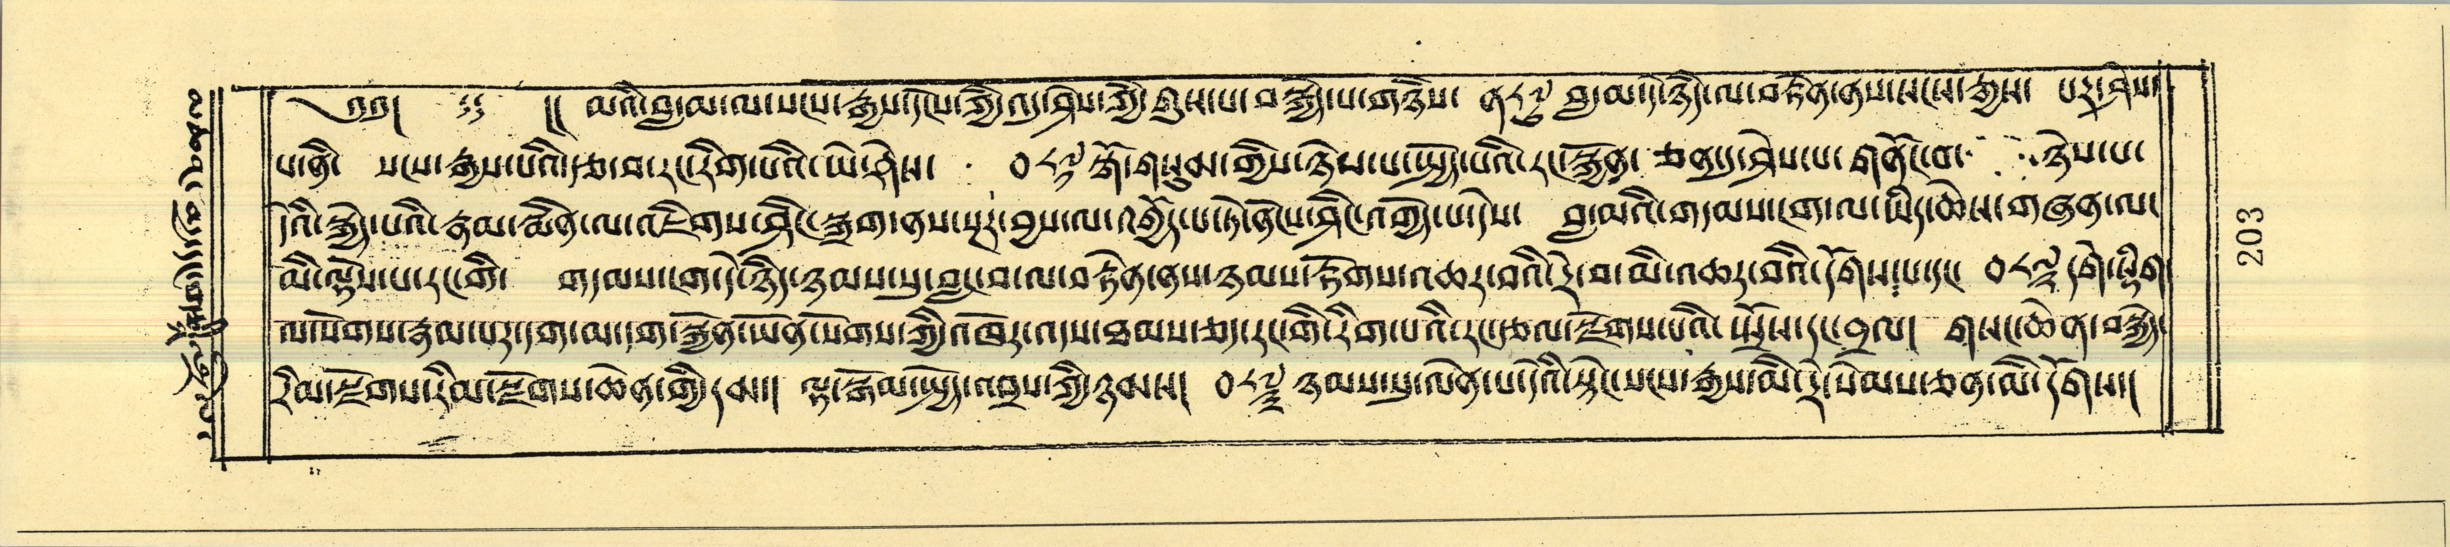མའི་བླ་མ་ལ་སངས་རྒྱས་དངོས་ཀྱི་འདུ་ཤེས་ཀྱི་༼གུས་པ་༽བསྐྱེད་པ་གཉིས། ན༨༧།༦ བླ་མ་དེ་ཉིད་ལ་བརྟེན་ནས་སངས་རྒྱས་ པར་ཤེས་
པ་ནི། སངས་རྒྱས་པའི་རྩ་བ་རང་རིག་པའི་༼ཡེ་ཤེས་༽བ༨༧།༡ ༼སྒོ་གསུམ་༽གྱིས་ཉེས་པ་སྤྱོད་པའི་རང་སྐྱོན་ཅན་དུ་ཤེས་པ་༼གནོང་བ་༽ཉེས་པ་
དེའི་སྐྱེད་པའི་རྣམ་སྨིན་ལ་འཇིགས་ཤིང་སྐྲག་ནས་སྔར་བྱས་ལ་༼འགྱོད་པ་༽ཏེ་ནོངས་ཤིང་འགྱོད་པ་དེས། བླ་མའི་གདམས་ངག་ལ་༼ཡིད་ཆེས་༽གཞན་ལ་
མི་ལྟོས་པ་རང་གི། གདམས་ངག་དེ་ཉིད་ཉམས་སུ་བླང་བ་ལ་བརྟེན་ནས་ཉམས་རྟོགས་འཆར་བའི་རེ་བ་མི་འཆར་བའི་དོགས་པ་དང། བ༨༧།༢ དགེ་སྡིག་
ལ་སོགས་རྣམ་པར་དག་མ་དག་སྐྱོན་ཡོན་སོགས་ཀྱི་འཁོར་འདས་ཐམས་ཅད་རང་གི་རིག་པའི་རང་རྩལ་རྫོགས་པའི་༼སྤྲོས་བྲལ་༽༼གསང་ཆེན་༽བསྐྱེད་
རིམ་སྫོགས་རིམ་སྫོགས་ཆེན་གྱི་དམ། ལྟ་སྒོམ་སྤྱོད་འབྲས་ཀྱི་༼ཉམས་༽བ༨༧།༣ ཉམས་སུ་ལེན་པ་དེའི་སྟེང་སངས་རྒྱས་མི་༼རེ་༽སེམས་ཅན་མི་༼དོགས་༽